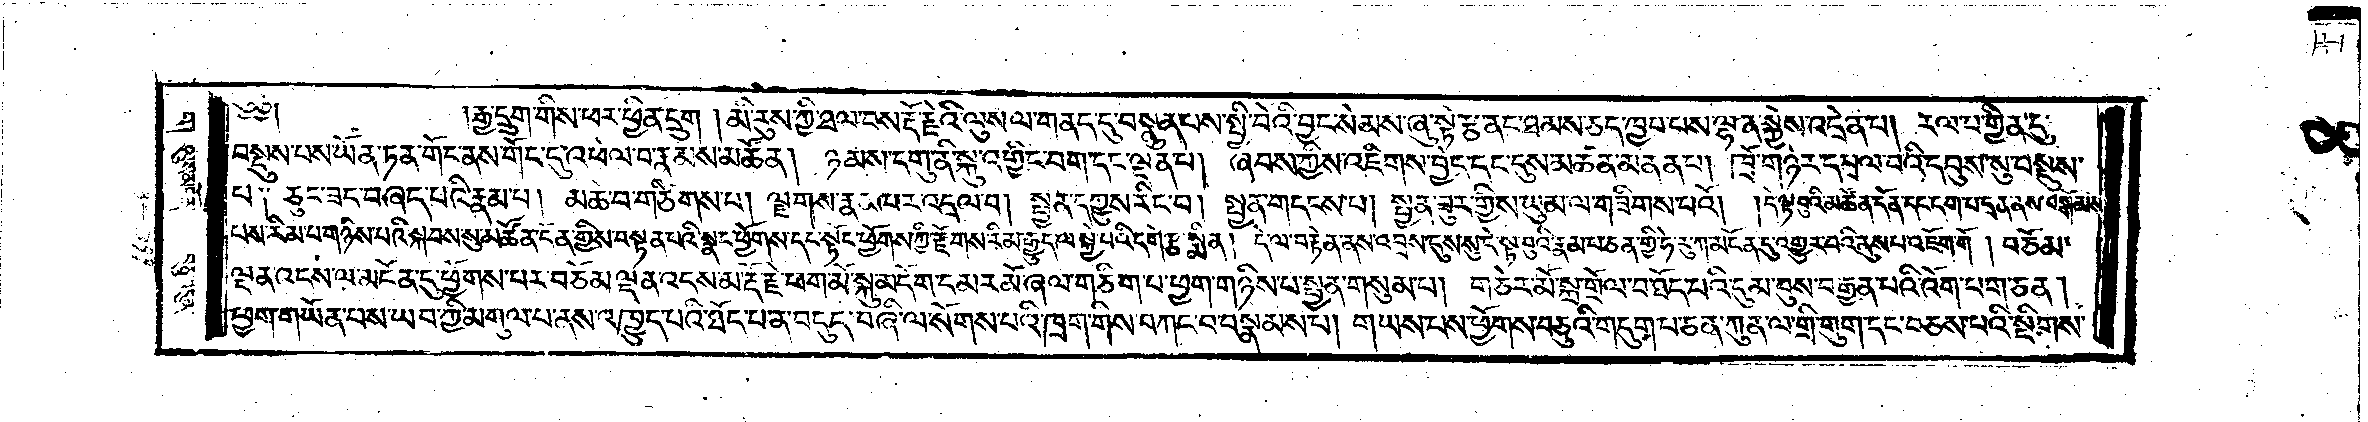༄༅། །རྒྱ་དྲུག་གིས་ཕར་ཕྱིན་དྲུག །མི་རུས་ཀྱི་ཐལ་བས་རྡོ་རྗེའི་ལུས་ལ་གནད་དུ་བསྣུན་པས་སྤྱི་བོའི་བྱང་སེམས་ཞུ་སྟེ་རྩ་ནང་ཐམས་ཅད་ཁྱབ་པས་ལྷ་ན་སྐྱེས་འདྲེན་པ། རལ་པ་གྱིན་དུ་
བསྡུས་པས་ཡོན་ཏན་གོང་ནས་གོང་དུ་འཕེལ་བ་རྣམས་མཚོན། ཉམས་དགུ་ནི་སྐུ་འགྱིང་བག་དང་ལྡན་པ། ཞབས་ཀྱིས་འཇིགས་བྱེད་དང་དུས་མཚན་མནན་པ། ཁྲོ་གཉེར་དཔྲལ་བའི་དབུས་སུ་བསྡུས་
པ༑ ཅུང་ཟད་བཞད་པའི་རྣམ་པ། མཆེ་བ་གཙིགས་པ། ལྗགས་རྣམ་པར་འདྲལ་བ། སྤྱན་དཀྱུས་རིང་བ། སྤྱན་གདངས་པ། སྤྱན་ཟུར་གྱིས་ཡུམ་ལ་གཟིགས་པའོ། །དེ་ལྟ་བུའི་མཚོན་དོན་དང་དག་པ་དྲན་ནས་བསྒོམས་
པས་རིམ་པ་གཉིས་པའི་སྐབས་སུ་མཚོན་དོན་གྱིས་བསྟན་པའི་སྣང་ཕྱོགས་དང་སྟོང་ཕྱོགས་ཀྱི་རྫོགས་རིམ་རྒྱུད་ལ་སྐྱེ་པའི་དགེ་རྩ་སྨིན། དེ་ལ་བརྟེན་ནས་འབྲས་དུས་སུ་དེ་ལྟ་བུའི་རྣམ་པ་ཅན་གྱི་ཧེ་རུ་ཀ་མངོན་དུ་འགྱུར་བའི་ནུས་པ་འཇོག་གོ །བཅོམ་
ལྡན་འདས་ལ་མངོན་དུ་ཕྱོགས་པར་བཅོམ་ལྡན་འདས་མ་རྡོ་རྗེ་ཕག་མོ་སྐུ་མདོག་དམར་མོ་ཞལ་གཅིག་པ་ཕྱག་གཉིས་པ་སྤྱན་གསུམ་པ། གཅེར་མོ་སྐྲ་གྲོལ་བ་ཐོད་པའི་དུམ་བུས་བརྒྱན་པའི་འོག་པག་ཅན།
ཕྱག་གཡོན་པས་ཡབ་ཀྱི་མགུལ་པ་ནས་འཁྱུད་པའི་ཐོད་པ་ན་བདུད་བཞི་ལ་སོགས་པའི་ཁྲག་གིས་བཀང་བ་བསྣམས་པ། གཡས་པས་ཕྱོགས་བཅུའི་གདུག་པ་ཅན་ཀུན་ལ་གྲི་གུག་དང་བཅས་པའི་སྡིགས་